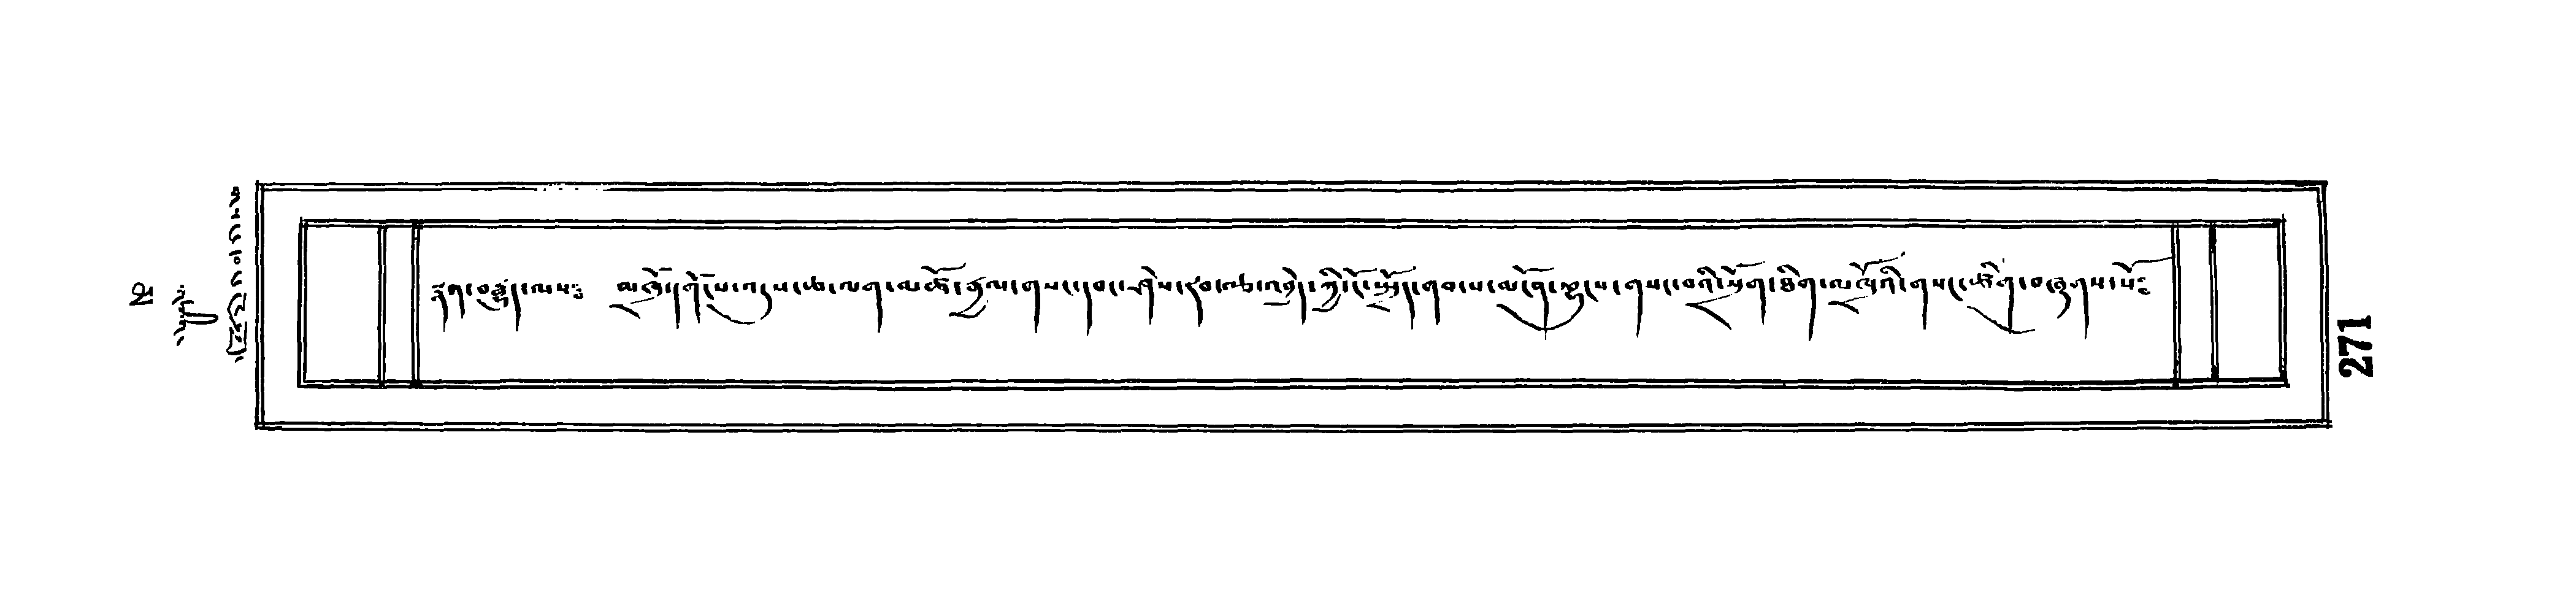སྙན་བརྒྱུད་ལས༔ མཁའ་འགྲོ་དགོངས་འདུས་ཆ་ལག་མཚོ་རྒྱལ་གསང་དབང་ཤེས་རབ་རྩ་འབྱེད་ཀྱི་ངོ་སྤྲོད་གབ་པ་མངོན་ཕྱུང་གསང་བའི་སྲོག་ཐིག་མཁའ་འགྲོའི་གསང་ཚིག་བཞུགས་སོ༔